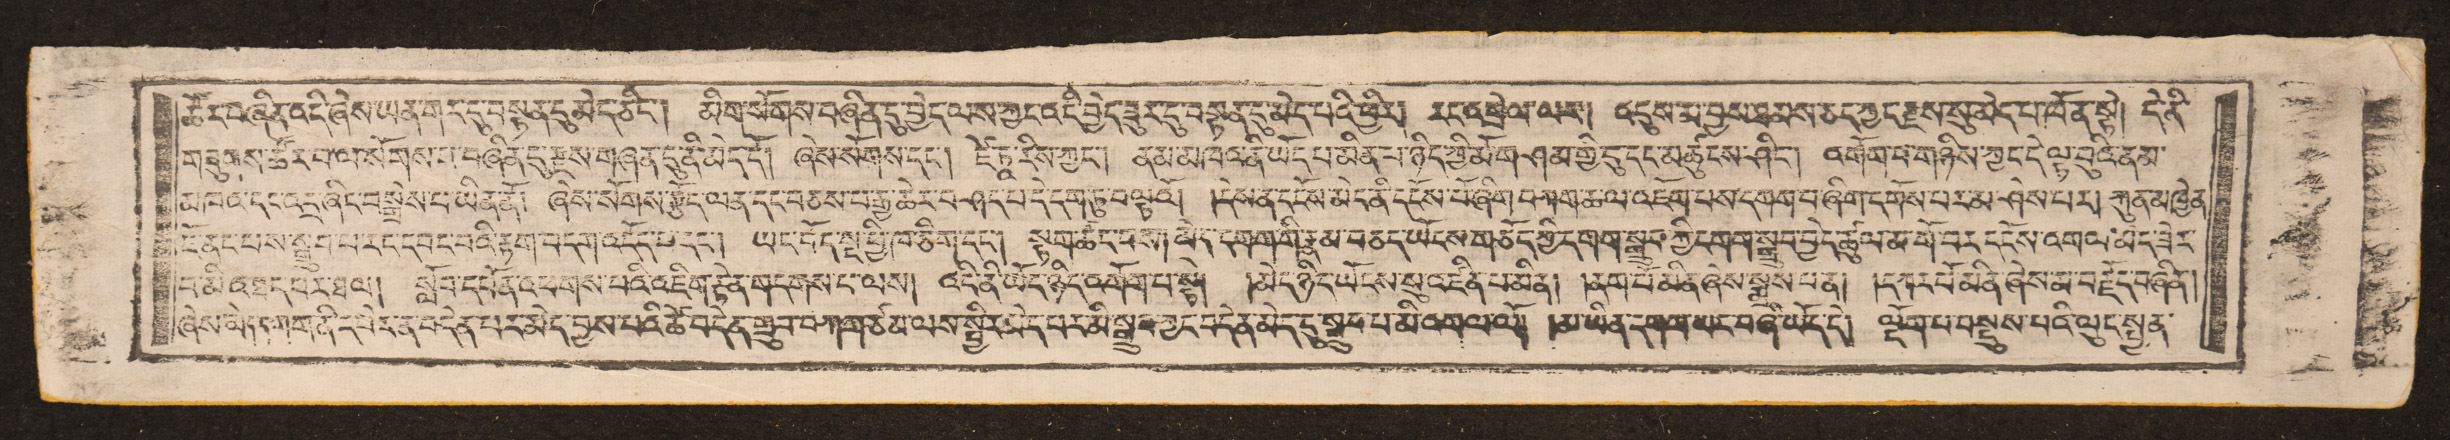ཚོར་བཞིན་འདི་ཞེས་ཡན་གར་དུ་བསྟན་དུ་མེད་ཅིང་། མིག་སོགས་བཞིན་དུ་བྱེད་ལས་ཀྱང་འདི་བྱེད་ཟུར་དུ་བསྟན་དུ་མེད་པའི་ཕྱིར། རང་འགྲེལ་ལས། འདུས་མ་བྱས་ཐམས་ཅད་ཀྱང་རྫས་སུ་མེད་པ་ཁོ་ན་སྟེ། དེ་ནི་
གཟུགས་ཚོར་བ་ལ་སོགས་པ་བཞིན་དུ་རྫས་གཞན་དུ་ནི་མེད་དོ། ཞེས་སོགས་དང་། ཛེ་ཏཱ་རིས་ཀྱང་། ནམ་མཁའ་ནི་ཡོད་པ་མིན་པ་ཉིད་ཀྱི་མོ་གཤམ་གྱི་དུ་དང་མཚུངས་ཤིང་། འགོག་པ་གཉིས་ཀྱང་དེ་ལྟ་བུའི་ནམ་
མཁའ་དང་འདྲ་ཞིང་བསྒྲེས་པ་ཡིན་ནོ། ཞེས་སོགས་རྩོད་ལན་དང་བཅས་པ་རྒྱ་ཆེར་བཤད་པ་དེ་དག་ཏུ་བལྟའོ། །དེས་ན་དངོས་མེད་ནི་དངོས་པོ་ཞིག་བཀག་ཆ་ལ་འཇོག་པས་དགག་པ་ཞིག་དགོས་པར་མ་ཤེས་པར། ཀུན་མཁྱེན་
ཇོ་ནང་པས་སྒྲུབ་པ་རང་དབང་བའི་རྟག་བདག་འདོད་པ་དང་། ཡང་བོད་སྔ་ཕྱི་ཁ་ཅིག་དང་། སྟག་ཚང་བས། མེད་དགག་གི་རྣམ་བཅད་ཡོངས་གཅོད་ཀྱི་དགག་སྒྲུབ་ཀྱི་དགག་སྒྲུབ་བྱེད་ཚུལ་མ་གོ་བར་དངོས་འགལ་མེད་ཟེར་
བ་མི་འཐད་པར་ཐལ། སློབ་དཔོན་འཕགས་པའི་འཇིག་རྟེན་གདགས་པ་ལས། འདི་ནི་ཡོད་ཉིད་འགོག་པ་སྟེ། །མེད་ཉིད་ཡོངས་སུ་འཛིན་པ་མིན། །ནག་པོ་མིན་ཞེས་སྨྲས་པ་ན། །དཀར་པོ་མིན་ཞེས་མ་བརྗོད་བཞིན།
ཞེས་མེད་དགག་ནི་དཔེར་ན་བདེན་པར་མེད་བྱས་པའི་ཚེ་བདེན་གྲུབ་བཀག་ཙམ་ལས་སྤྱིར་མེད་པར་མི་སྒྲུབ་ཀྱང་བདེན་མེད་དུ་སྒྲུབ་པ་མི་འགལ་ལོ། །མ་ཡིན་དགག་ཡང་བཞི་ཡོད་དེ། ལྡོག་པ་བསྡུས་པའི་ལུང་སྤྱན་